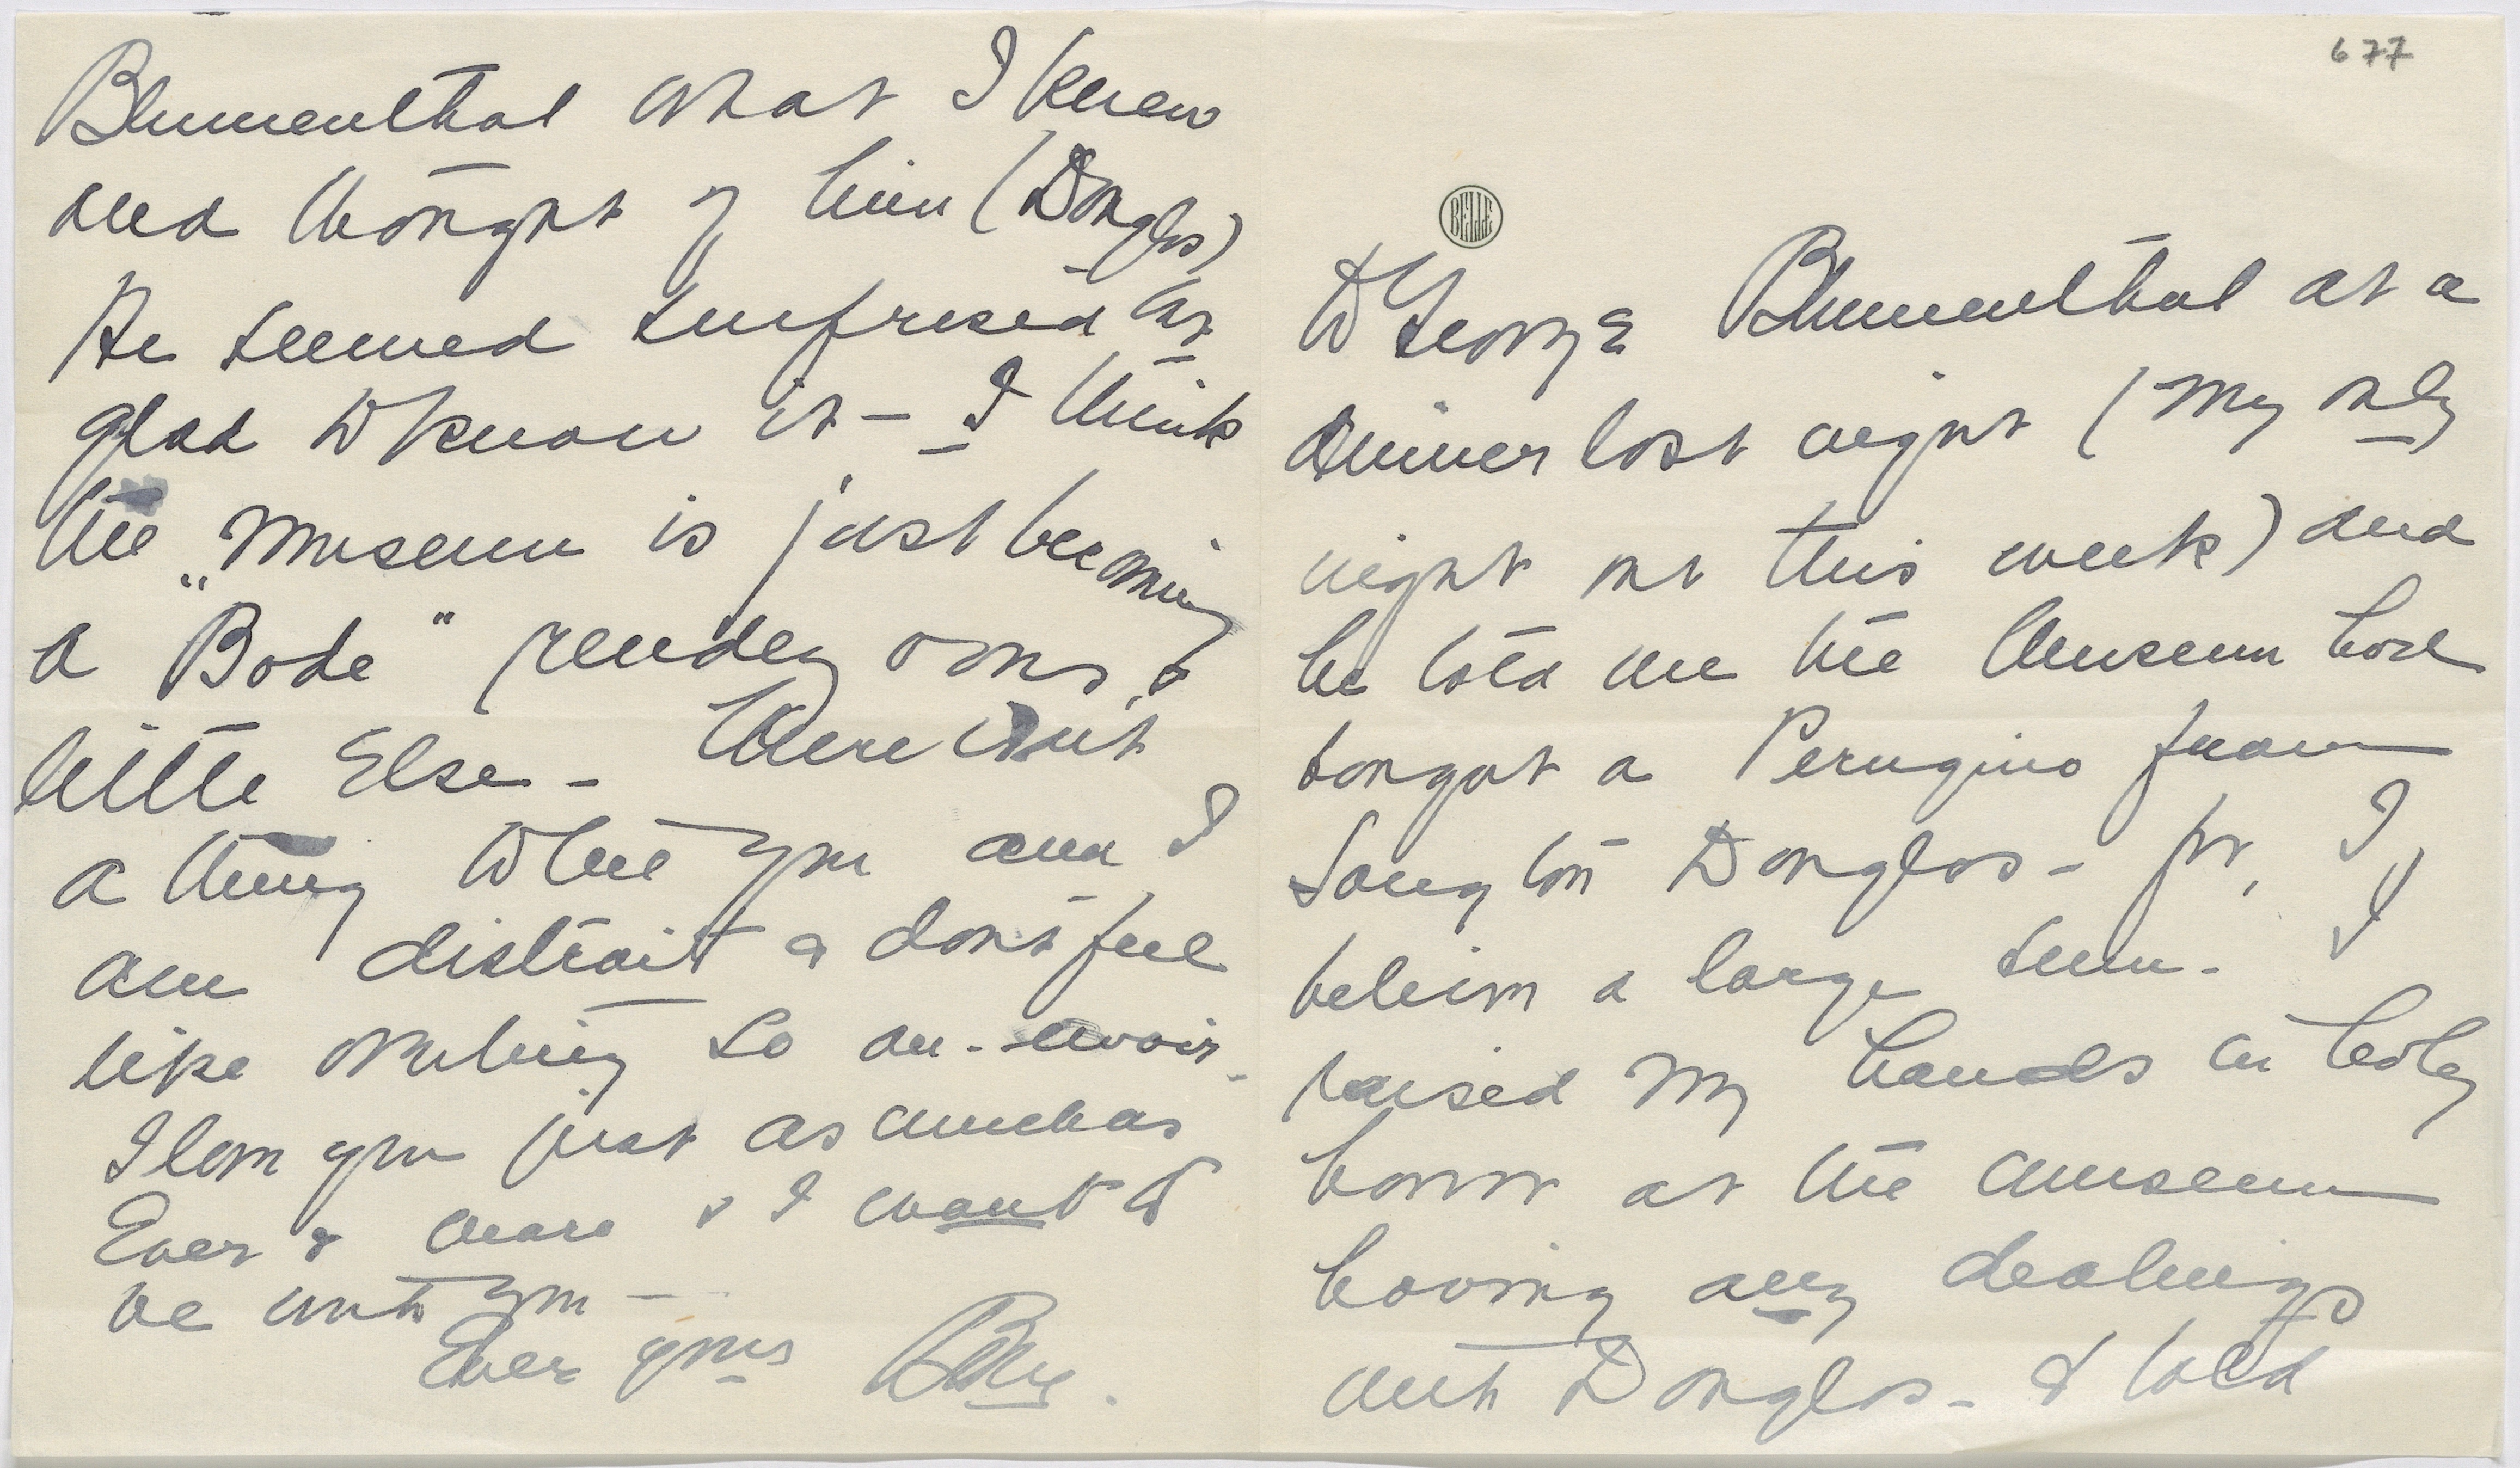to George Blumenthal at a dinner last night (my only night out this week) and he told me the Museum had bought a Perugino from Langton Douglas – for, I believe a large sum. I raised my hands in holy horror at the museum having any dealings with Douglas – & told
Blumenthal what I knew and thought of him (Douglas) He seemed surprised but glad to know it – I think the Museum is just becoming a “Bode” rendezvous & little else – There isn’t a thing to tell you and I am distrait & don’t feel like writing so au-revoir – I love you just as much as Ever & more & I want to be with you –
Ever your Belle.